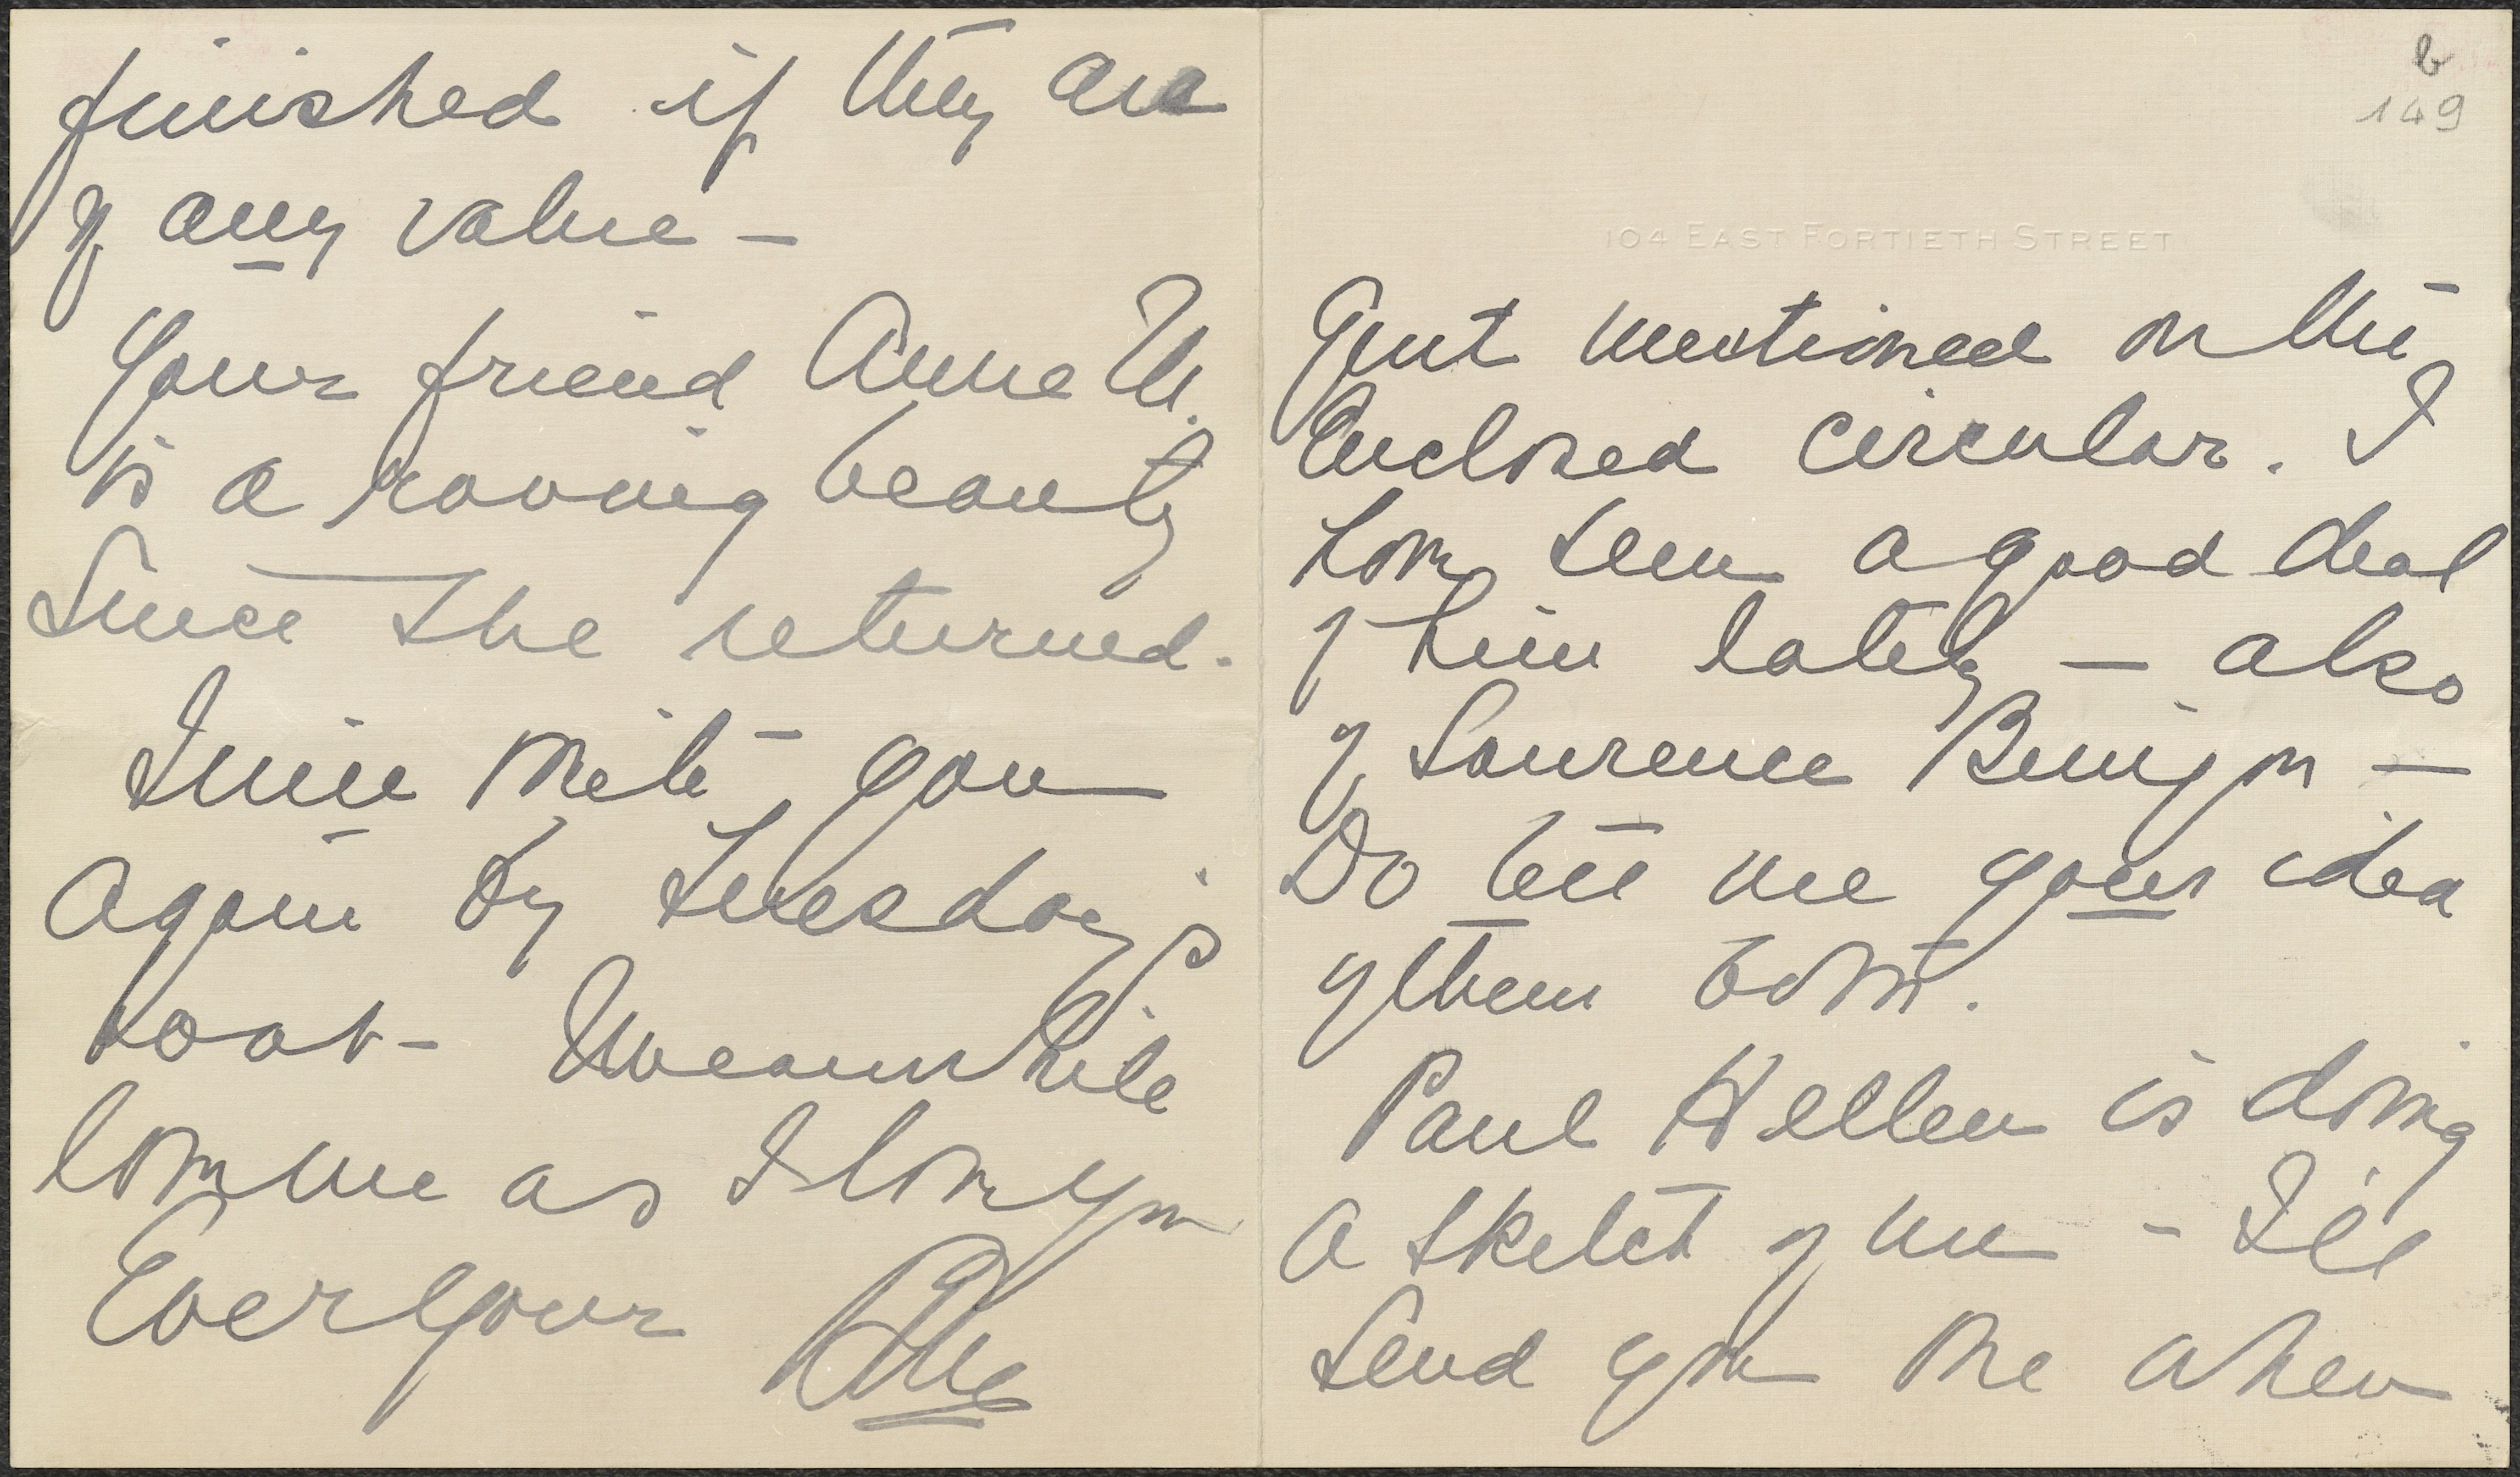gent mentioned on the enclosed circular. I have seen a good deal of him lately – also of Laurence Binyon – Do tell me your idea of them both.
Paul Helleu is doing a sketch of me – I’ll send you one when
finished if they are of any value –
Your friend Anne M. is a raving beauty since she returned.
I will write you again by Tuesday’s boat – Meanwhile love me as I love you
Ever your Belle